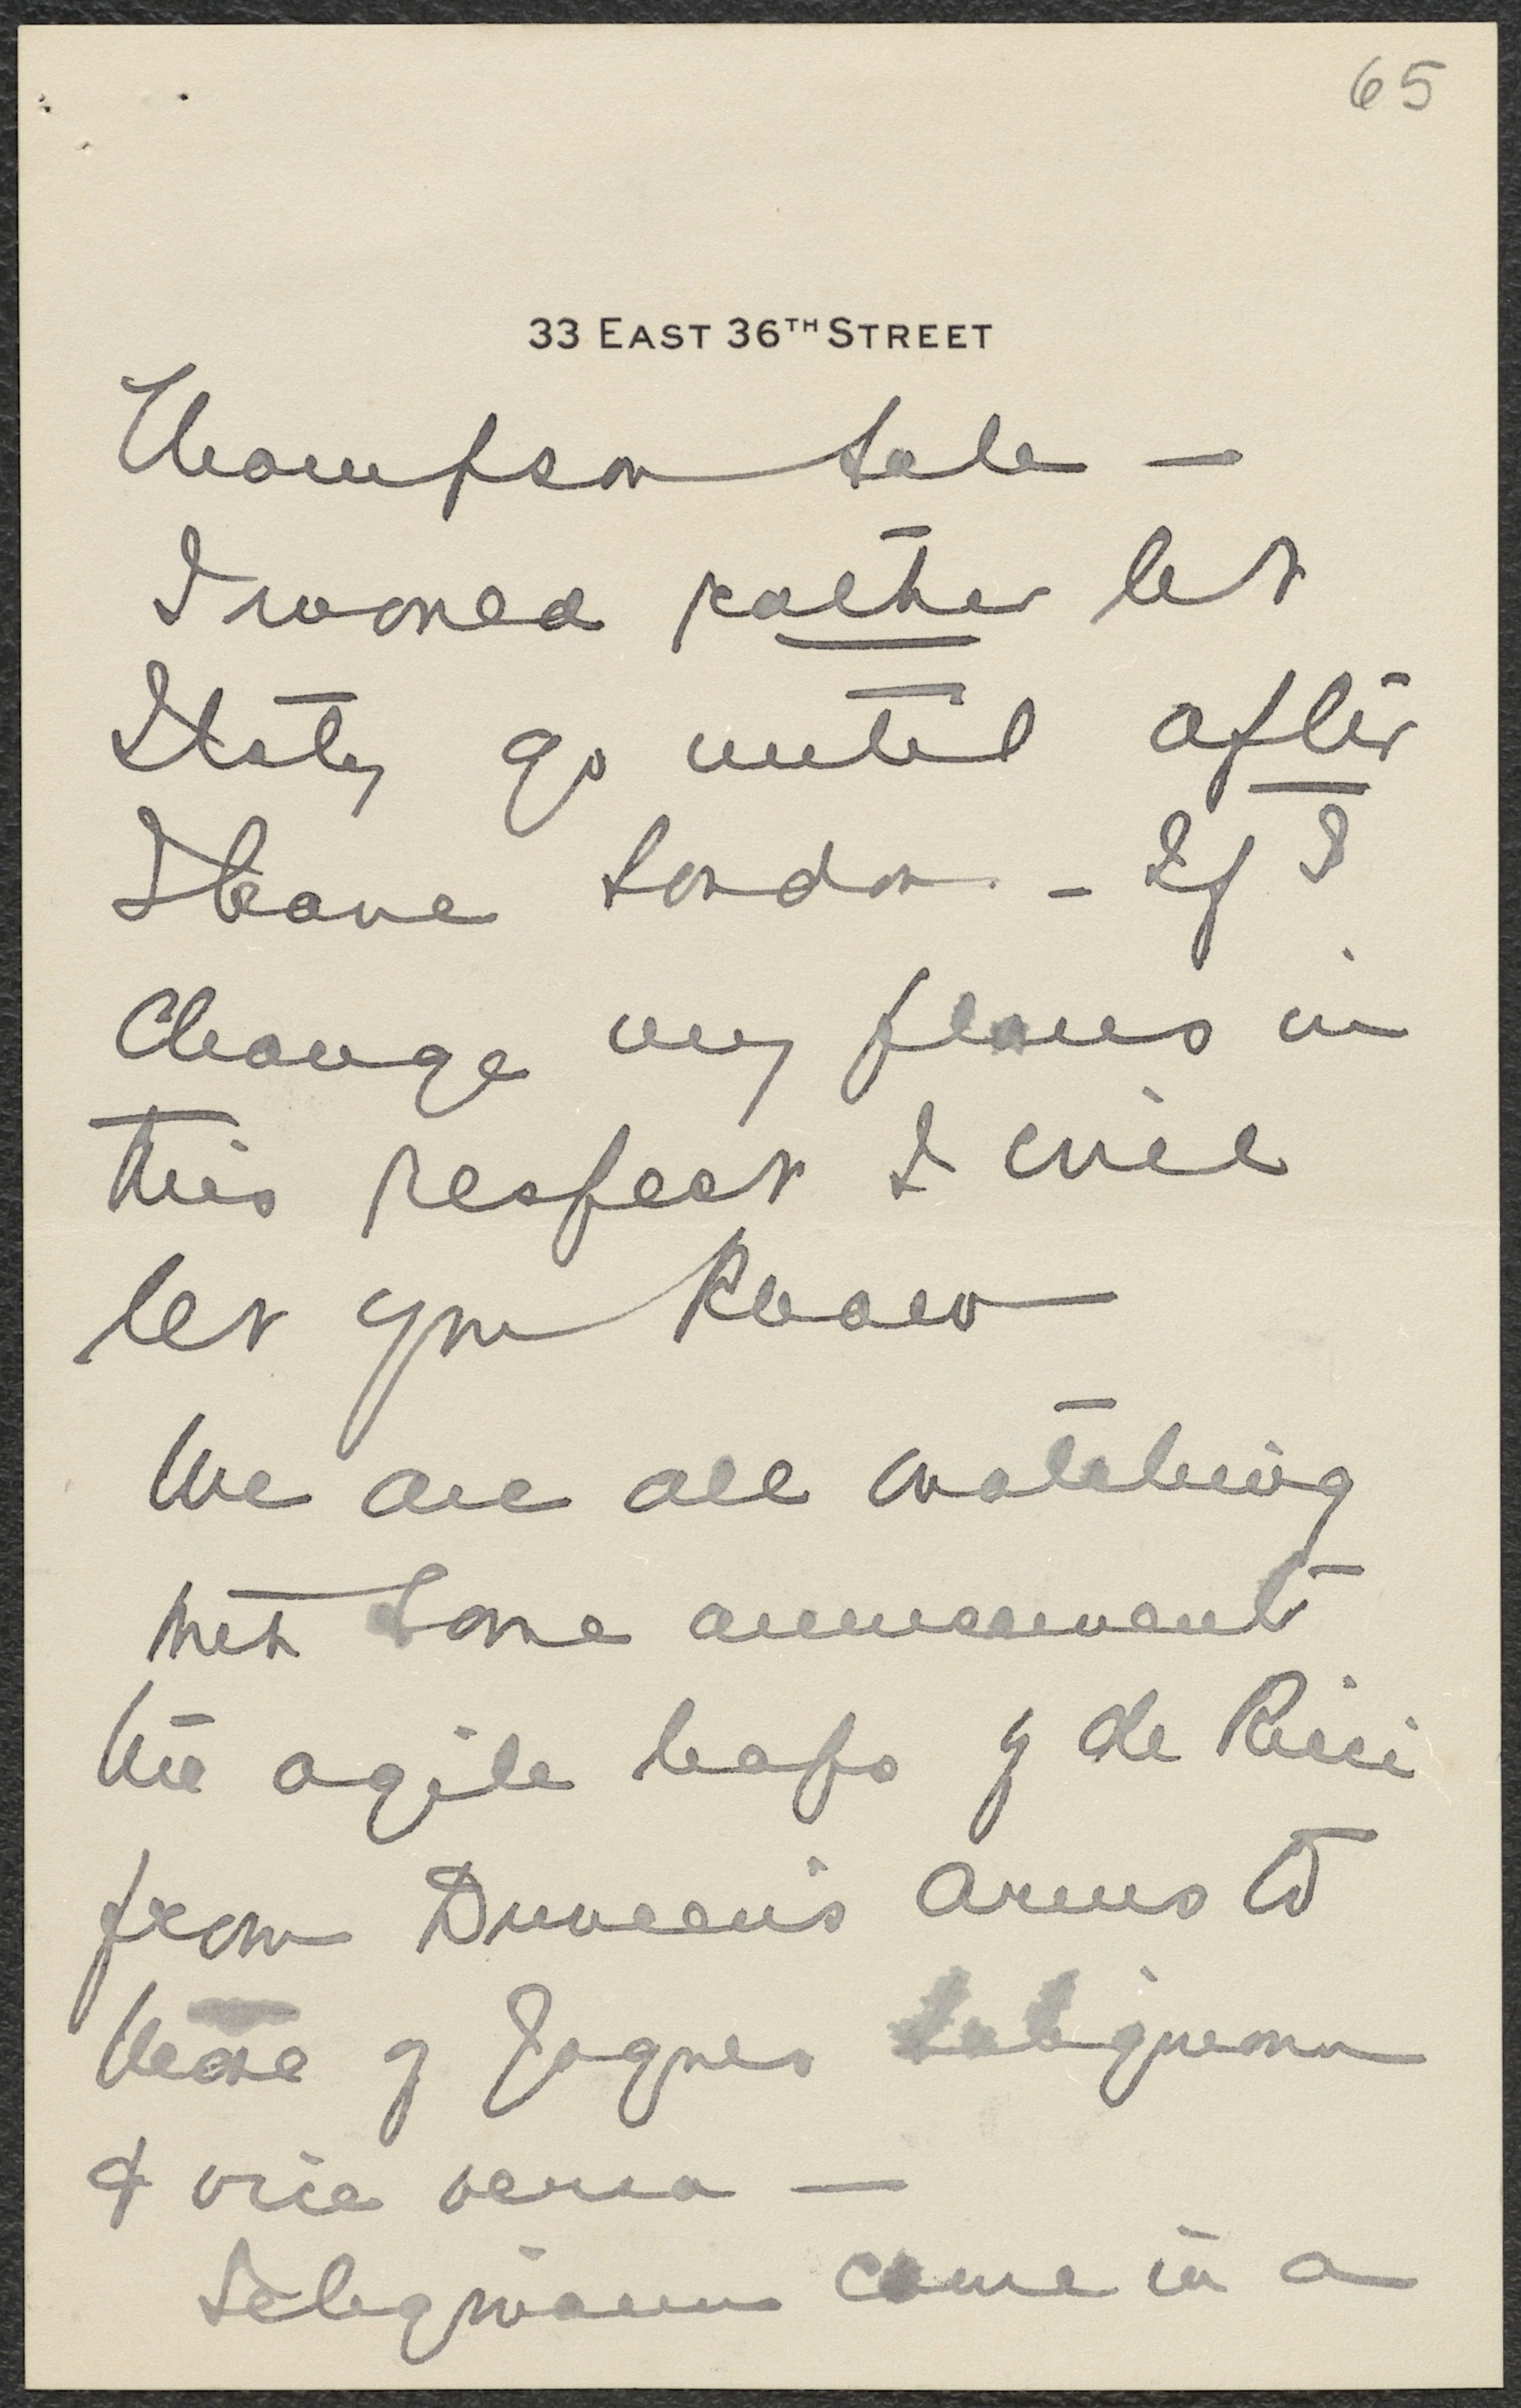Thompson sale –
I would rather let Italy go until after I leave London – If I change my plans in this respect I will let you know –
We are all watching with some amusement the agile leaps of de Ricci from Duveen's arms to those of Jaques [sic] Seligmann & vice versa –
Seligmann came in a